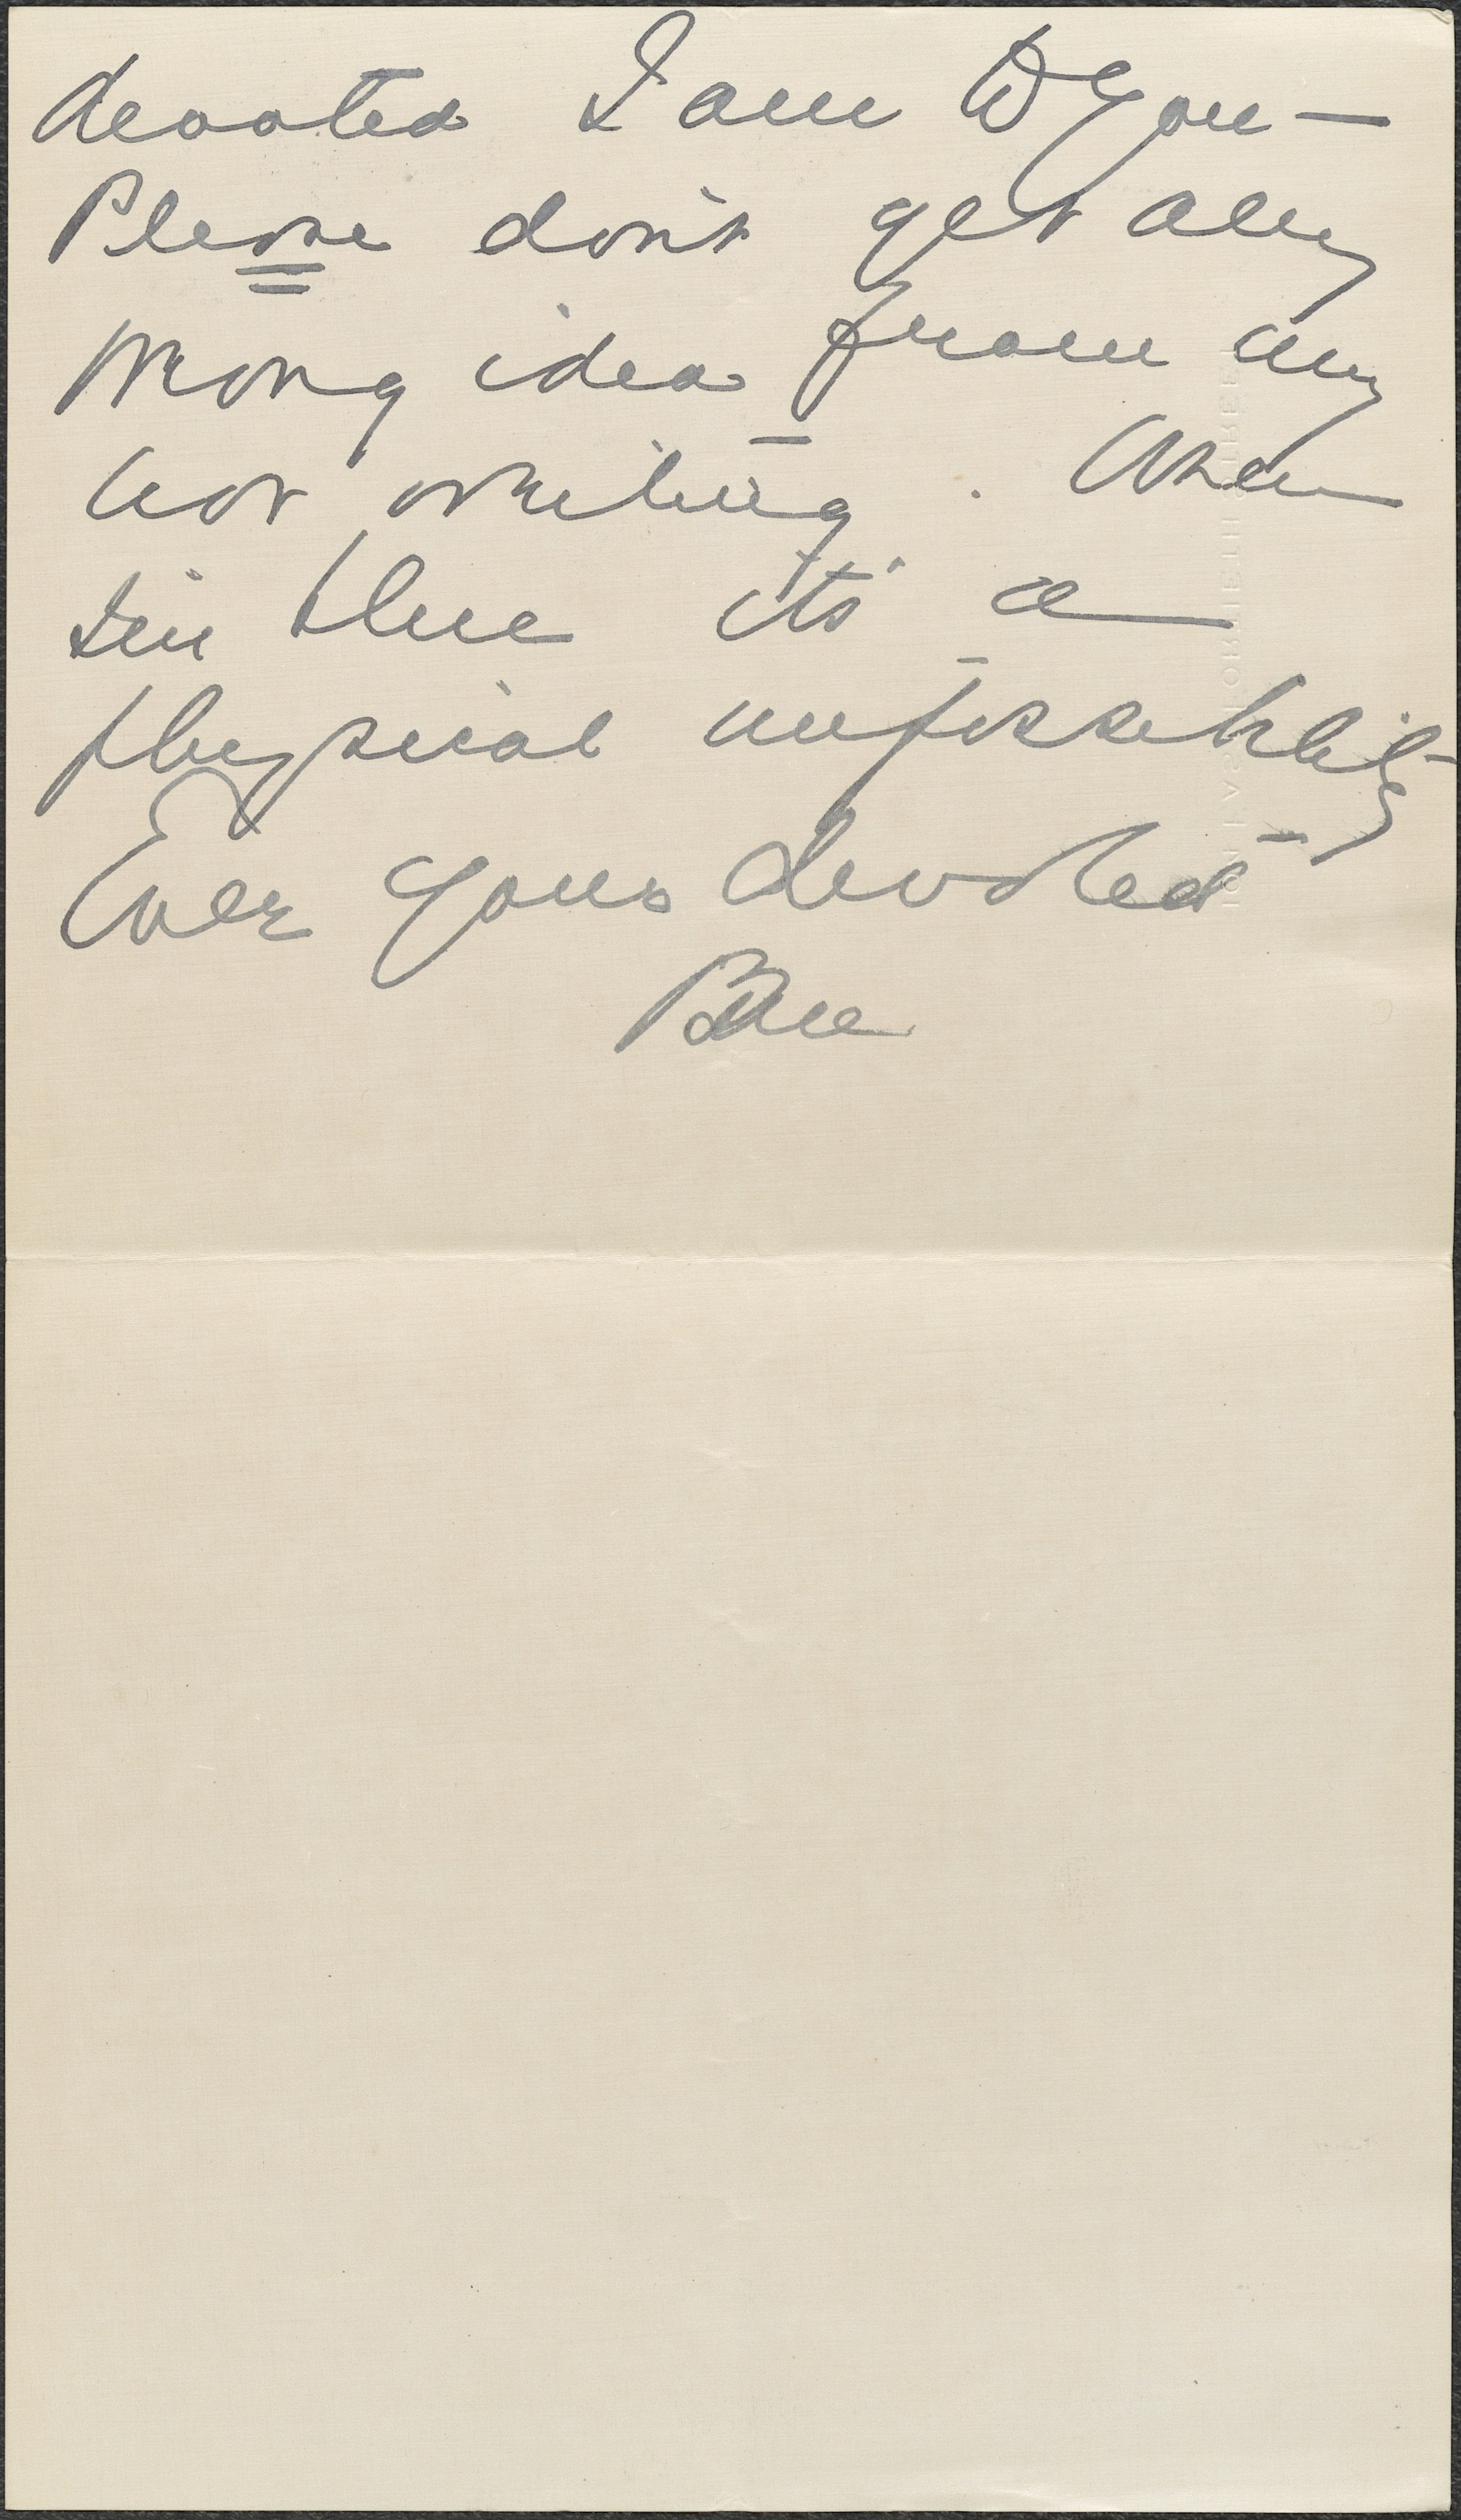devoted I am to you – [double underlined: Please] don’t get any wrong idea from my not writing. When I’m blue it’s a physical impossibility –
Ever your devoted
Belle